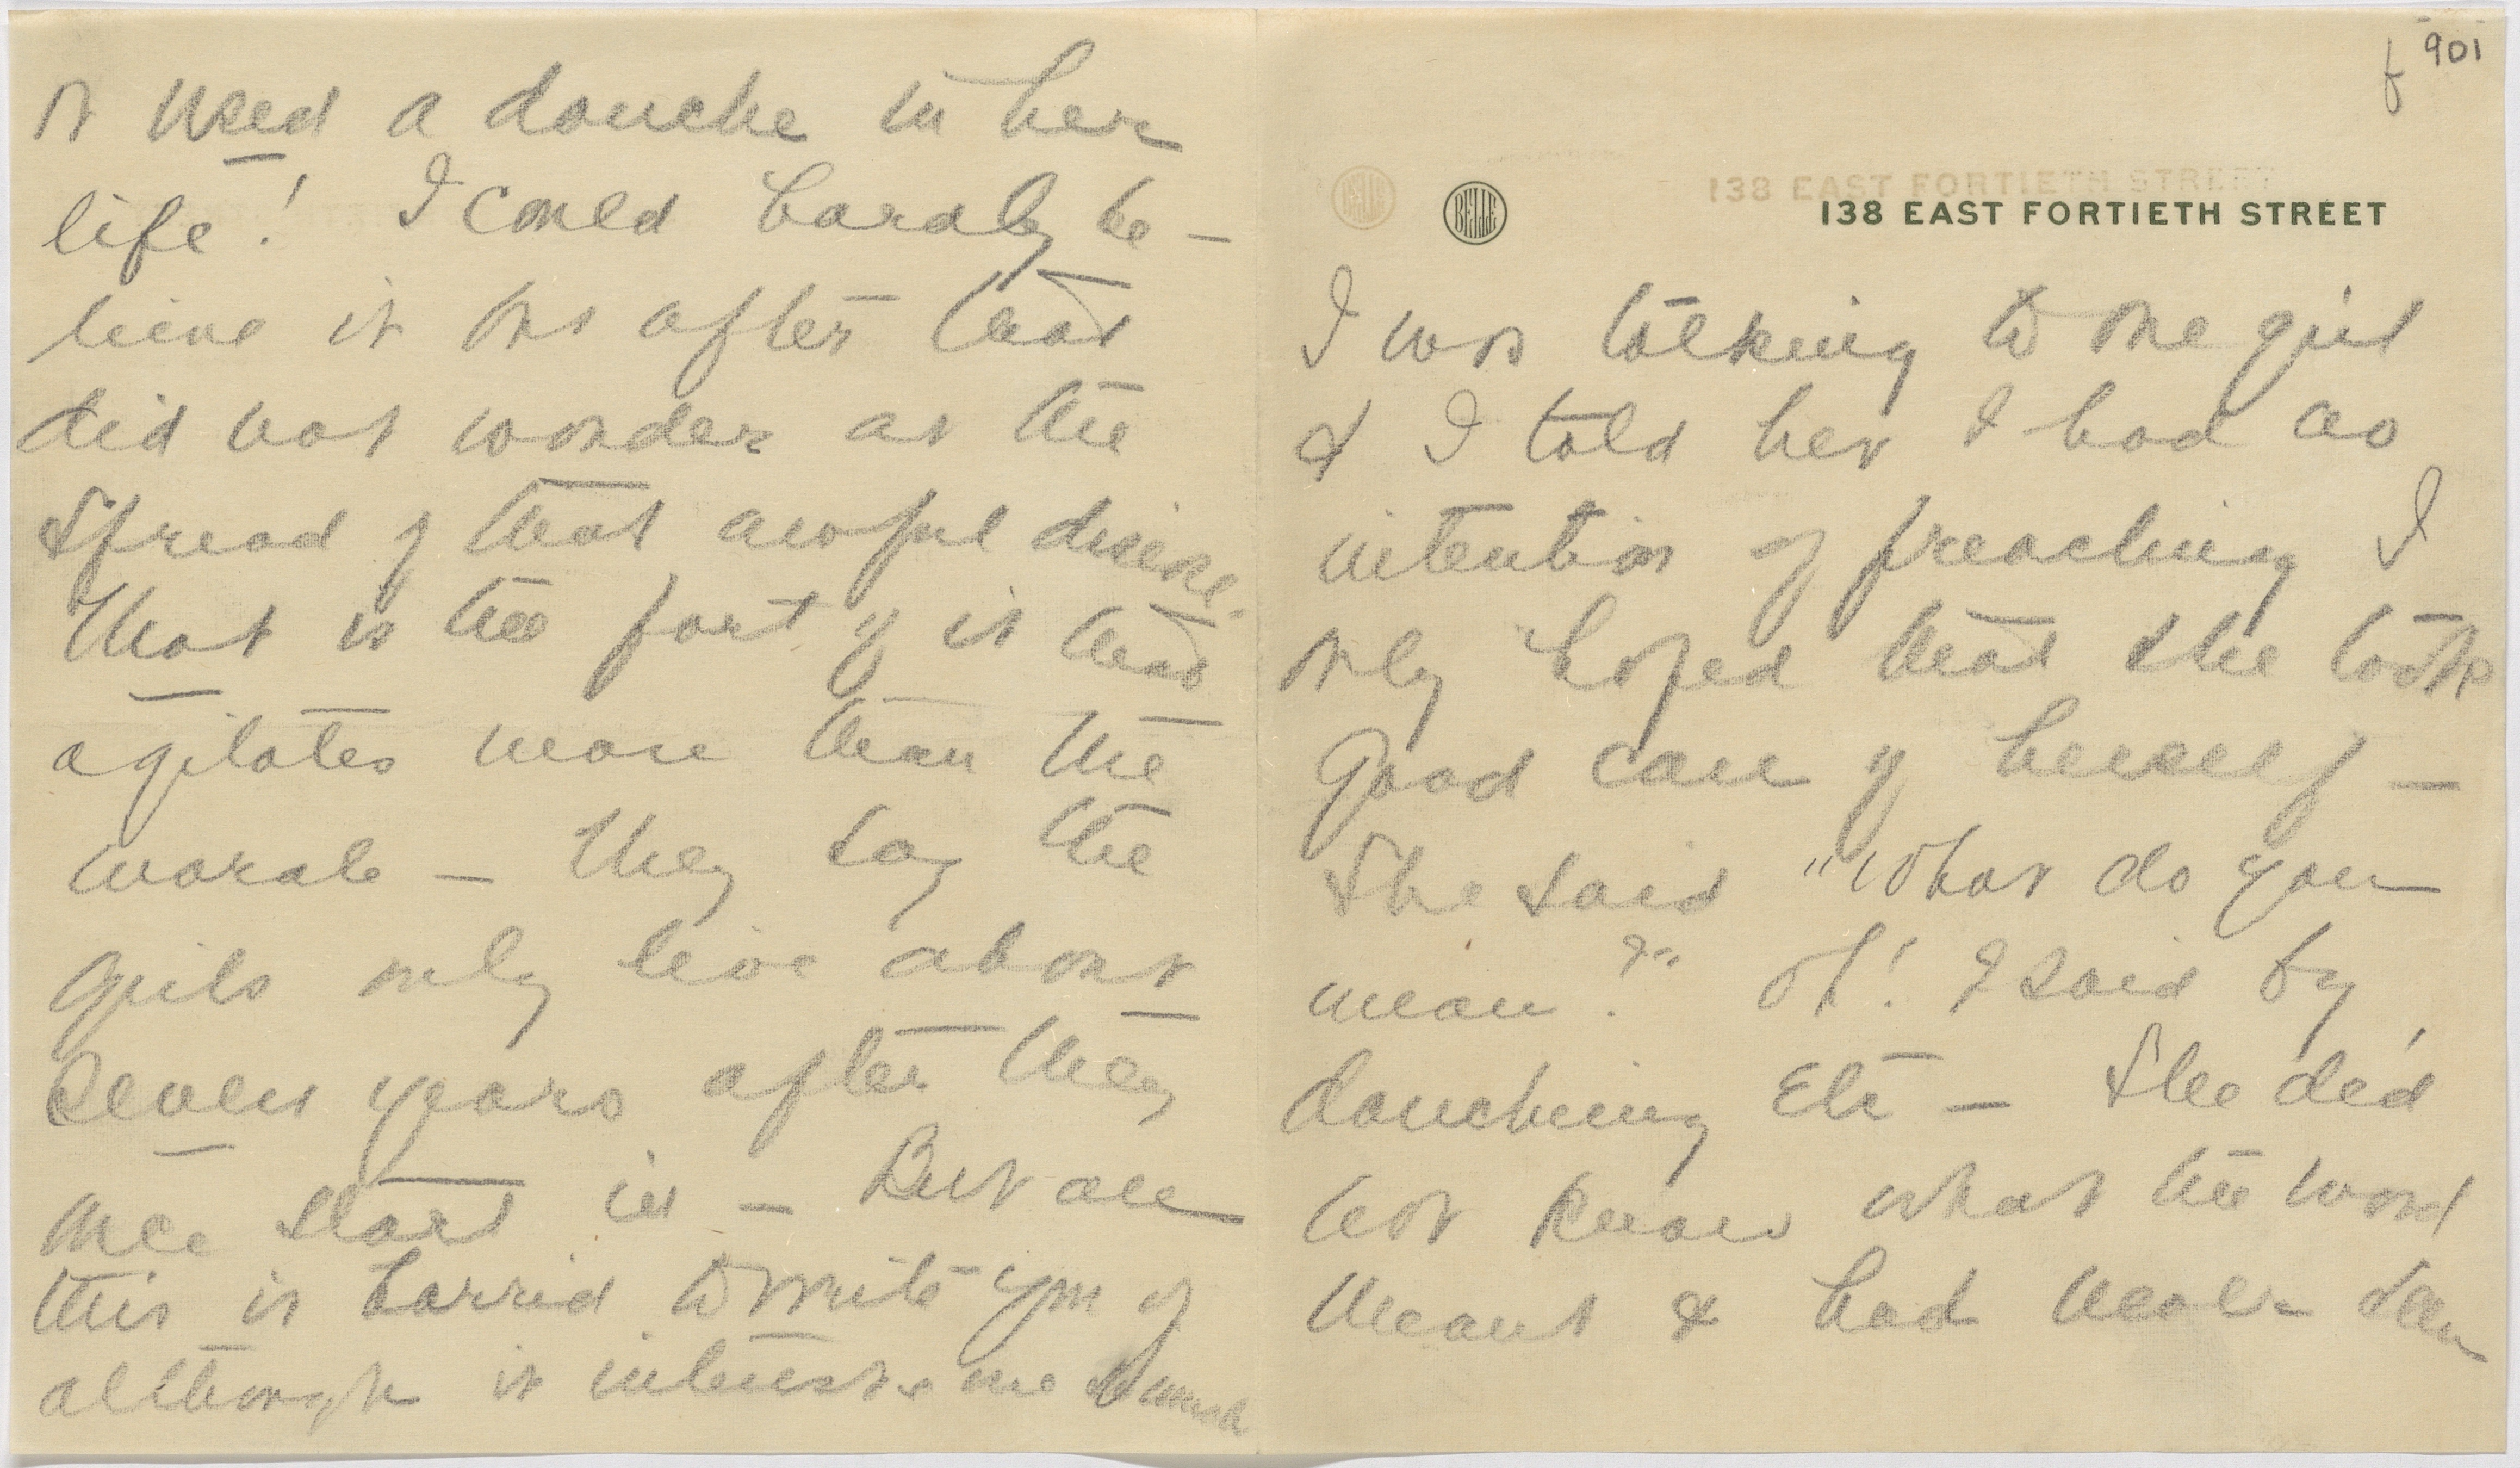I was talking to one girl & I told her I had no intention of preaching I only hoped that she took good care of herself – She said “what do you mean?” Oh! I said by douching etc – she did not know what the word meant & had never seen
or used a douche in her life! I could hardly believe it but after that did not wonder at the spread of that awful disease. That is the part of it that agitates more than the morals – they say the girls only live about seven years after they once start in – But all this is horrid to write you of although it interests me so much